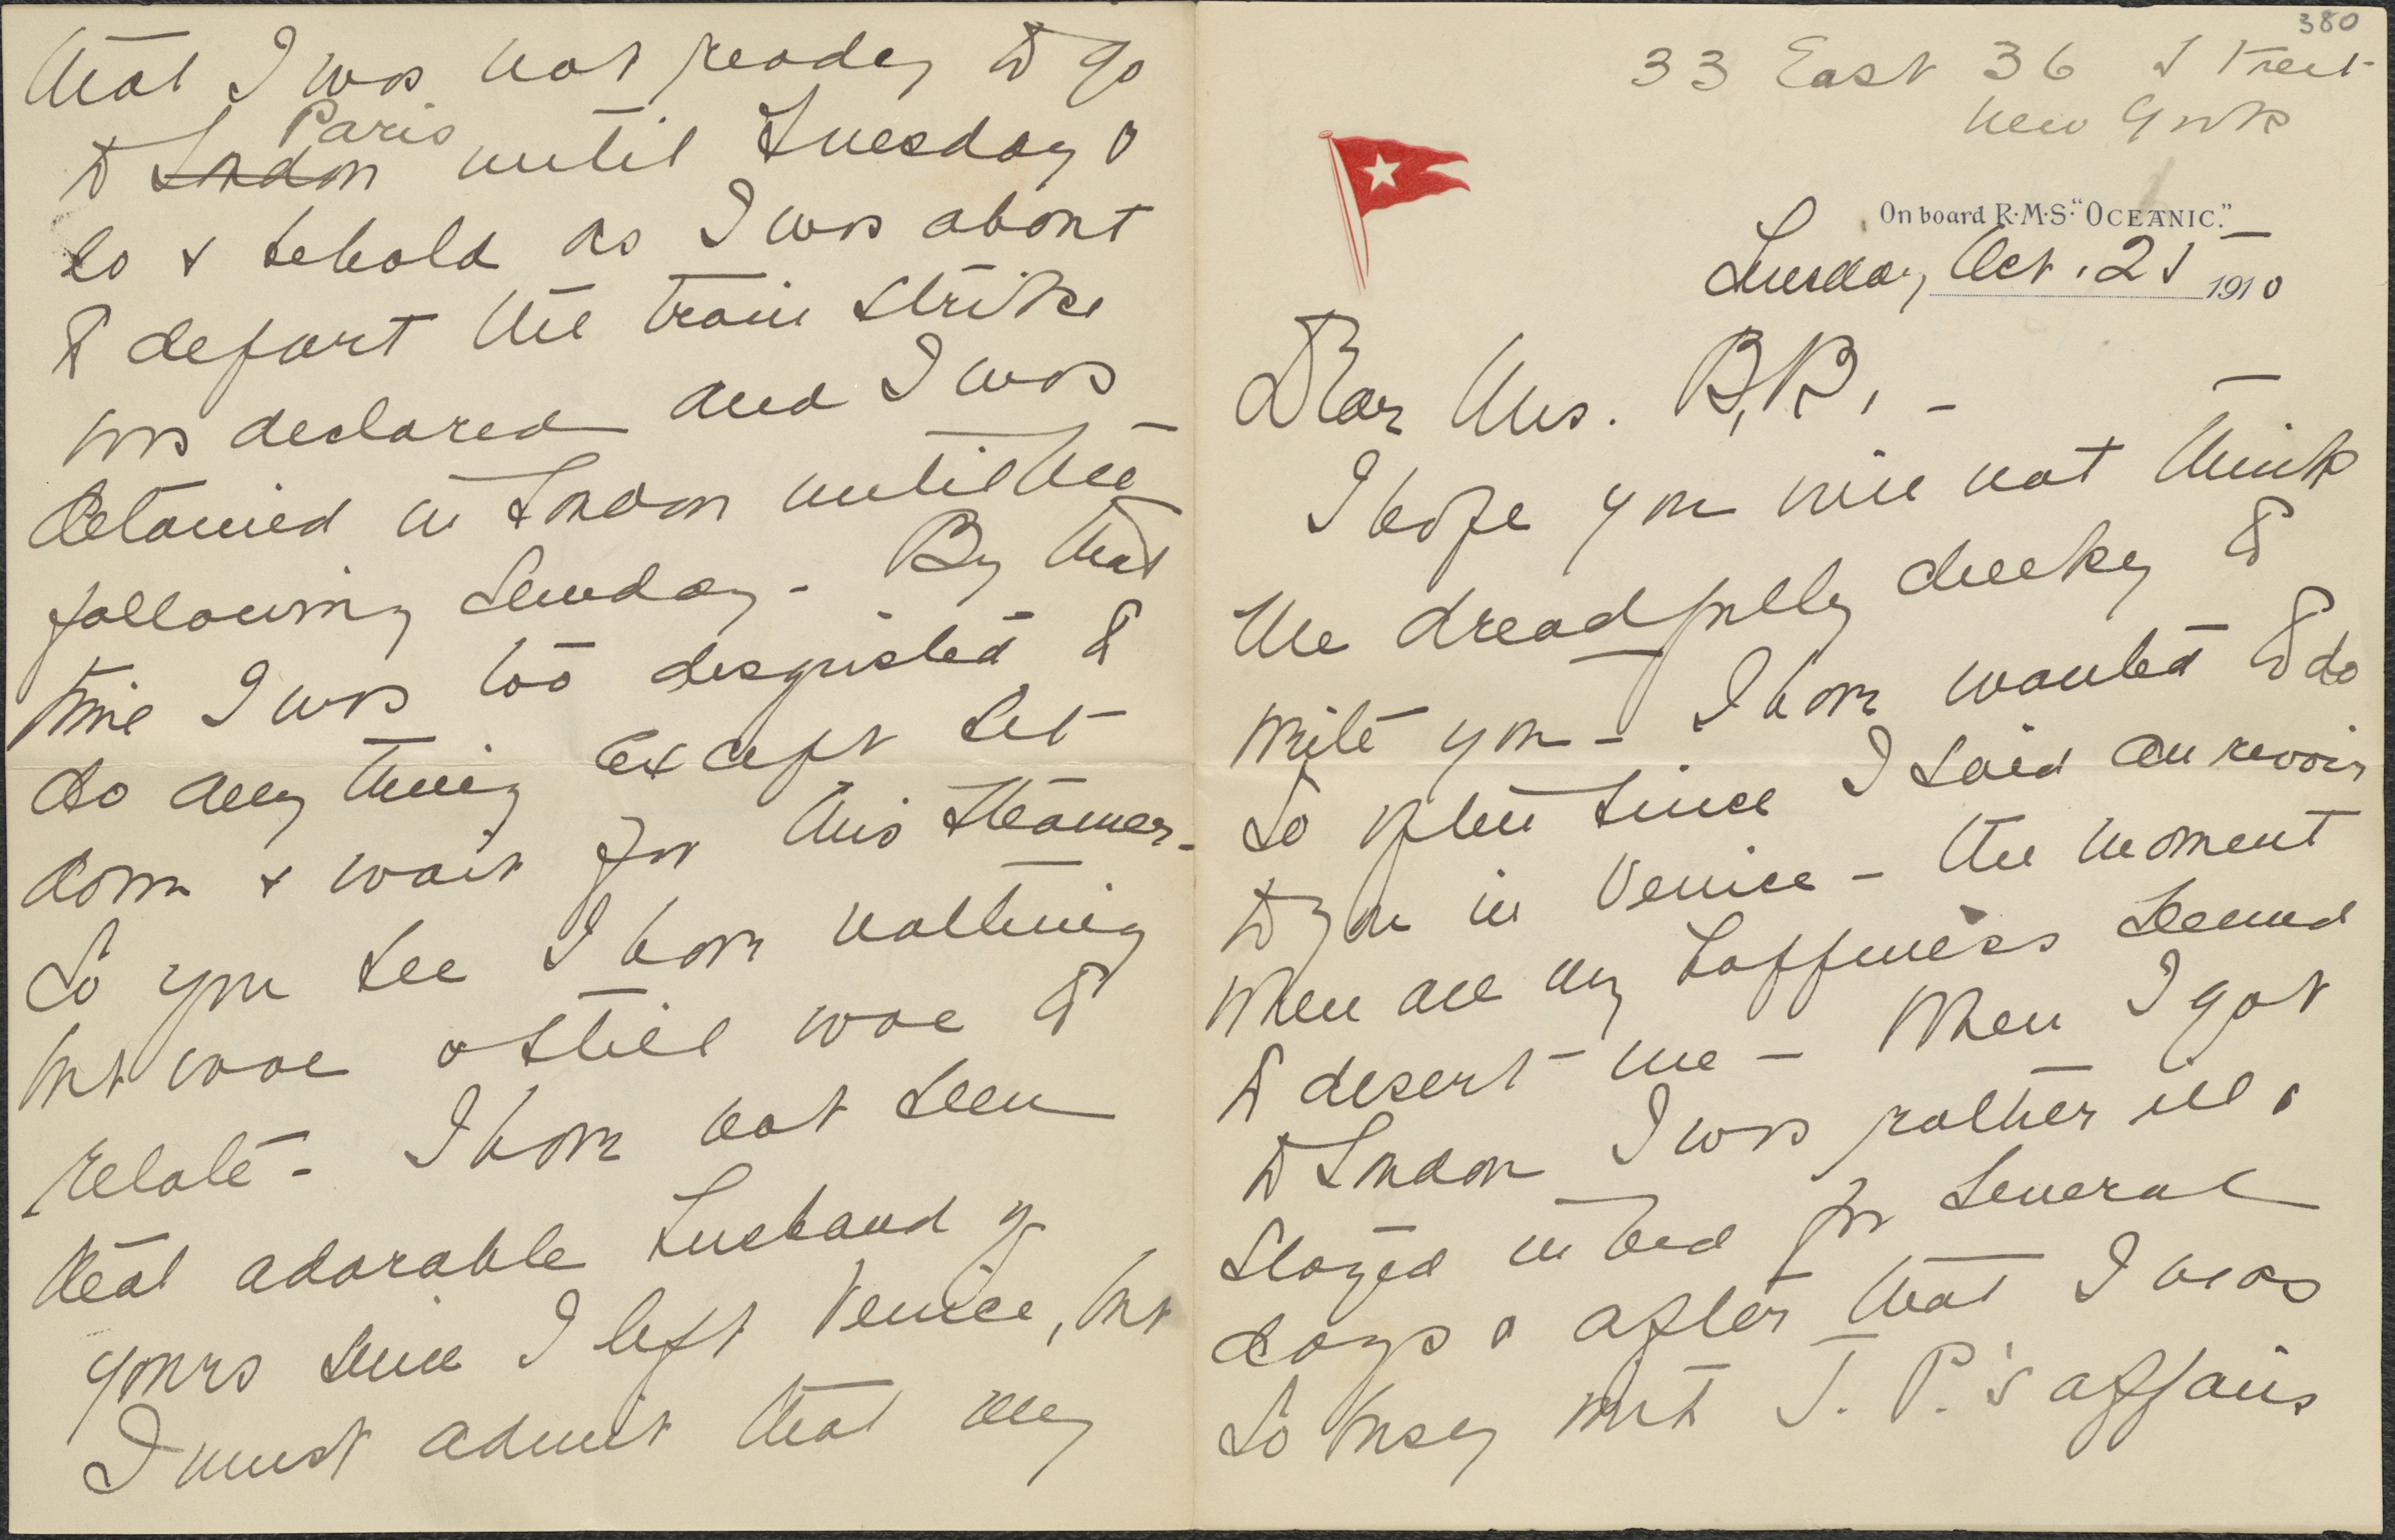33 East 36 Street
New York
Tuesday Oct. 21 – [printed text: 191]0
Dear Mrs. B.B. –
I hope you will not think me dreadfully cheeky to write you – I have wanted to do so often since I said au revoir to you in Venice – The moment when all my happiness seemed to desert me – When I got to London I was rather ill & stayed in bed for several days & after that I was so busy with J. P.’s affairs
that I was not ready to go to London [^Paris^] until Tuesday & lo & behold as I was about to depart the train strike was declared and I was detained in London until the following Sunday – By that time I was too disgusted to do any thing except sit down & wait for this steamer. So you see I have nothing but woe & still woe to relate – I have not seen that adorable husband of yours since I left Venice, but I must admit that my